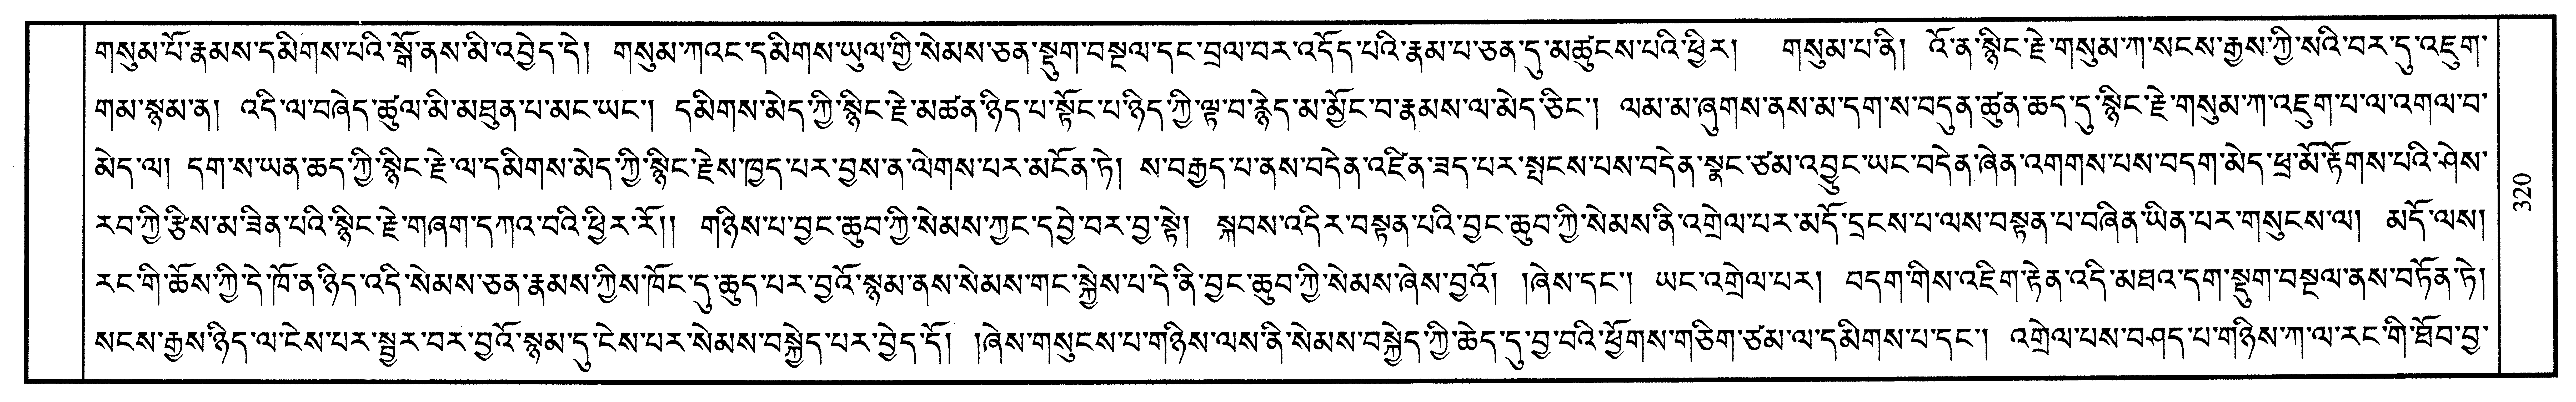གསུམ་པོ་རྣམས་དམིགས་པའི་སྒོ་ནས་མི་འབྱེད་དེ། གསུམ་ཀའང་དམིགས་ཡུལ་གྱི་སེམས་ཅན་སྡུག་བསྔལ་དང་བྲལ་བར་འདོད་པའི་རྣམ་པ་ཅན་དུ་མཚུངས་པའི་ཕྱིར། གསུམ་པ་ནི། འོ་ན་སྙིང་རྗེ་གསུམ་ཀ་སངས་རྒྱས་ཀྱི་སའི་བར་དུ་འཇུག་
གམ་སྙམ་ན། འདི་ལ་བཞེད་ཚུལ་མི་མཐུན་པ་མང་ཡང་། དམིགས་མེད་ཀྱི་སྙིང་རྗེ་མཚན་ཉིད་པ་སྟོང་པ་ཉིད་ཀྱི་ལྟ་བ་རྙེད་མ་མྱོང་བ་རྣམས་ལ་མེད་ཅིང་། ལམ་མ་ཞུགས་ནས་མ་དག་ས་བདུན་ཚུན་ཆད་དུ་སྙིང་རྗེ་གསུམ་ཀ་འཇུག་པ་ལ་འགལ་བ་
མེད་ལ། དག་ས་ཡན་ཆད་ཀྱི་སྙིང་རྗེ་ལ་དམིགས་མེད་ཀྱི་སྙིང་རྗེས་ཁྱད་པར་བྱས་ན་ལེགས་པར་མངོན་ཏེ། ས་བརྒྱད་པ་ནས་བདེན་འཛིན་ཟད་པར་སྤངས་པས་བདེན་སྣང་ཙམ་འབྱུང་ཡང་བདེན་ཞེན་འགགས་པས་བདག་མེད་ཕྲ་མོ་རྟོགས་པའི་ཤེས་
རབ་ཀྱི་རྩིས་མ་ཟིན་པའི་སྙིང་རྗེ་གཞག་དཀའ་བའི་ཕྱིར་རོ།། གཉིས་པ་བྱང་ཆུབ་ཀྱི་སེམས་ཀྱང་དབྱེ་བར་བྱ་སྟེ། སྐབས་འདིར་བསྟན་པའི་བྱང་ཆུབ་ཀྱི་སེམས་ནི་འགྲེལ་པར་མདོ་དྲངས་པ་ལས་བསྟན་པ་བཞིན་ཡིན་པར་གསུངས་ལ། མདོ་ལས།
རང་གི་ཆོས་ཀྱི་དེ་ཁོ་ན་ཉིད་འདི་སེམས་ཅན་རྣམས་ཀྱིས་ཁོང་དུ་ཆུད་པར་བྱའོ་སྙམ་ནས་སེམས་གང་སྐྱེས་པ་དེ་ནི་བྱང་ཆུབ་ཀྱི་སེམས་ཞེས་བྱའོ། །ཞེས་དང་། ཡང་འགྲེལ་པར། བདག་གིས་འཇིག་རྟེན་འདི་མཐའ་དག་སྡུག་བསྔལ་ནས་བཏོན་ཏེ།
སངས་རྒྱས་ཉིད་ལ་ངེས་པར་སྦྱར་བར་བྱའོ་སྙམ་དུ་ངེས་པར་སེམས་བསྐྱེད་པར་བྱེད་དོ། །ཞེས་གསུངས་པ་གཉིས་ལས་ནི་སེམས་བསྐྱེད་ཀྱི་ཆེད་དུ་བྱ་བའི་ཕྱོགས་གཅིག་ཙམ་ལ་དམིགས་པ་དང་། འགྲེལ་པས་བཤད་པ་གཉིས་ཀ་ལ་རང་གི་ཐོབ་བྱ་